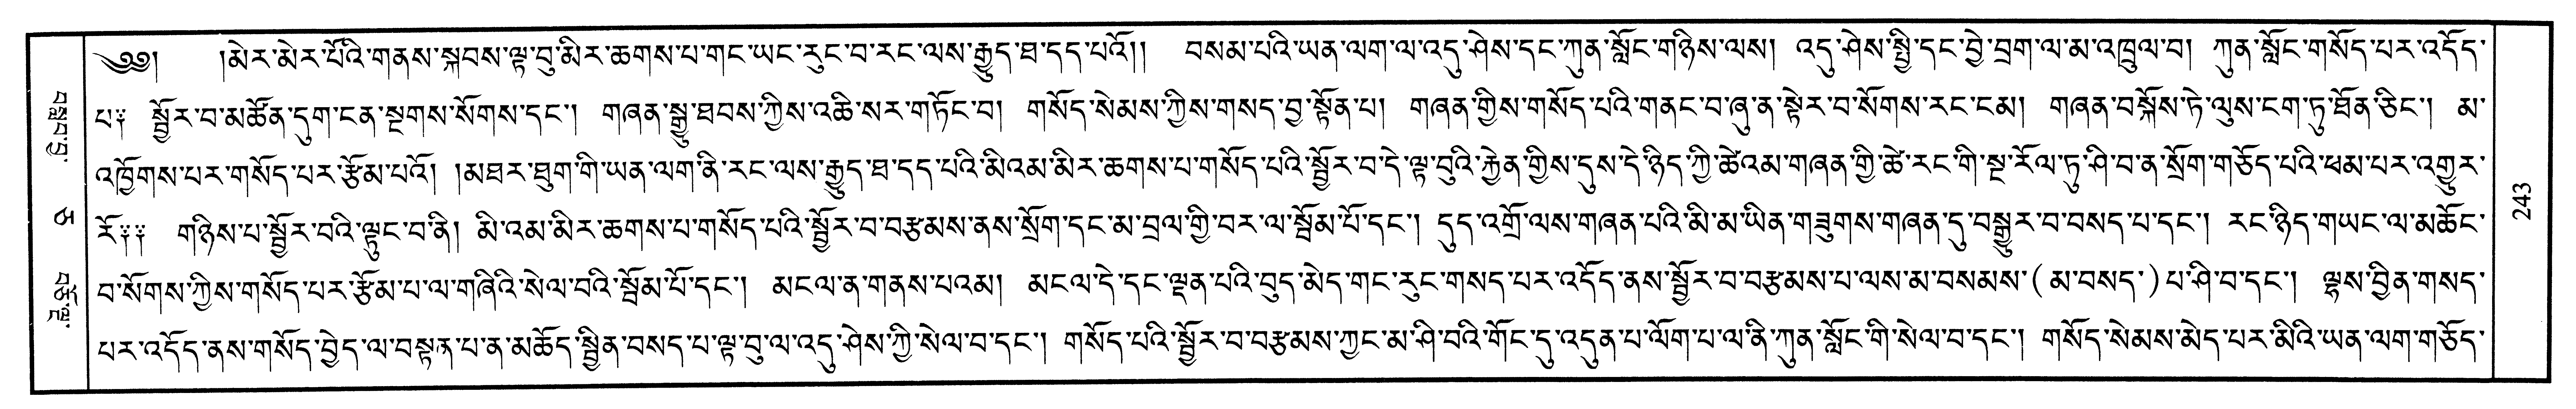༄༅། །མེར་མེར་པོའི་གནས་སྐབས་ལྟ་བུ་མིར་ཆགས་པ་གང་ཡང་རུང་བ་རང་ལས་རྒྱུད་ཐ་དད་པའོ།། བསམ་པའི་ཡན་ལག་ལ་འདུ་ཤེས་དང་ཀུན་སློང་གཉིས་ལས། འདུ་ཤེས་སྤྱི་དང་བྱེ་བྲག་ལ་མ་འཁྲུལ་བ། ཀུན་སློང་གསོད་པར་འདོད་
པ༑ སྦྱོར་བ་མཚོན་དུག་ངན་སྔགས་སོགས་དང་། གཞན་སྒྱུ་ཐབས་ཀྱིས་འཆི་སར་གཏོང་བ། གསོད་སེམས་ཀྱིས་གསད་བྱ་སྟོན་པ། གཞན་གྱིས་གསོད་པའི་གནང་བ་ཞུ་ན་སྟེར་བ་སོགས་རང་ངམ། གཞན་བསྐོས་ཏེ་ལུས་ངག་ཏུ་ཐོན་ཅིང་། མ་
འཁྱོགས་པར་གསོད་པར་རྩོམ་པའོ། །མཐར་ཐུག་གི་ཡན་ལག་ནི་རང་ལས་རྒྱུད་ཐ་དད་པའི་མིའམ་མིར་ཆགས་པ་གསོད་པའི་སྦྱོར་བ་དེ་ལྟ་བུའི་རྐྱེན་གྱིས་དུས་དེ་ཉིད་ཀྱི་ཚེའམ་གཞན་གྱི་ཚེ་རང་གི་སྔ་རོལ་ཏུ་ཤི་བ་ན་སྲོག་གཅོད་པའི་ཕམ་པར་འགྱུར་
རོ༑༑ གཉིས་པ་སྦྱོར་བའི་ལྟུང་བ་ནི། མི་འམ་མིར་ཆགས་པ་གསོད་པའི་སྦྱོར་བ་བརྩམས་ནས་སྲོག་དང་མ་བྲལ་གྱི་བར་ལ་སྦོམ་པོ་དང་། དུད་འགྲོ་ལས་གཞན་པའི་མི་མ་ཡིན་གཟུགས་གཞན་དུ་བསྒྱུར་བ་བསད་པ་དང་། རང་ཉིད་གཡང་ལ་མཆོང་
བ་སོགས་ཀྱིས་གསོད་པར་རྩོམ་པ་ལ་གཞིའི་སེལ་བའི་སྦོམ་པོ་དང་། མངལ་ན་གནས་པའམ། མངལ་དེ་དང་ལྡན་པའི་བུད་མེད་གང་རུང་གསད་པར་འདོད་ནས་སྦྱོར་བ་བརྩམས་པ་ལས་མ་བསམས་མ་བསད་པ་ཤི་བ་དང་། ལྷས་བྱིན་གསད་
པར་འདོད་ནས་གསོད་བྱེད་ལ་བསྟན་པ་ན་མཆོད་སྦྱིན་བསད་པ་ལྟ་བུ་ལ་འདུ་ཤེས་ཀྱི་སེལ་བ་དང་། གསོད་པའི་སྦྱོར་བ་བརྩམས་ཀྱང་མ་ཤི་བའི་གོང་དུ་འདུན་པ་ལོག་པ་ལ་ནི་ཀུན་སློང་གི་སེལ་བ་དང་། གསོད་སེམས་མེད་པར་མིའི་ཡན་ལག་གཅོད་